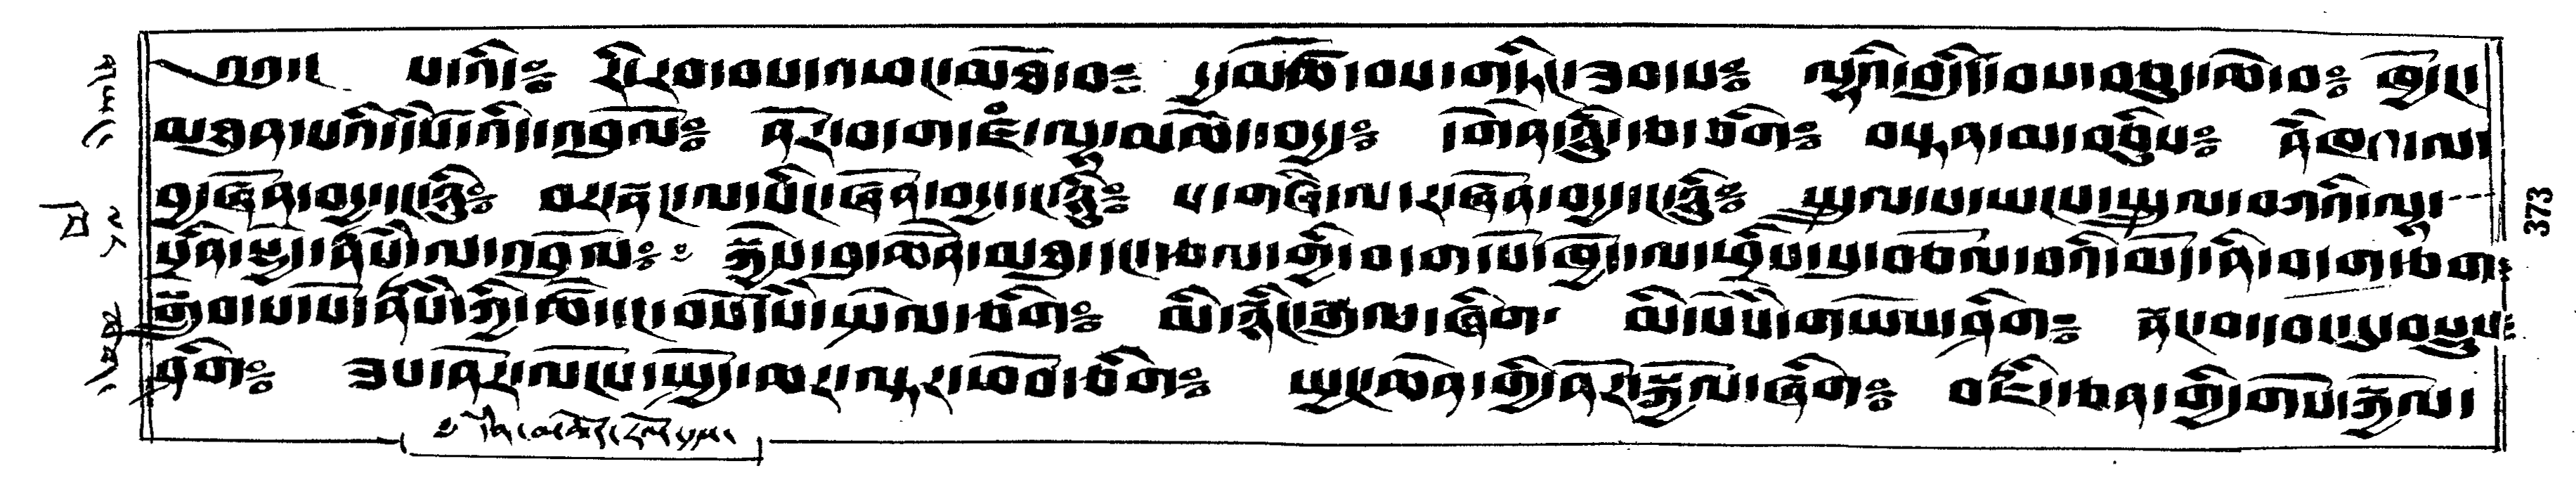པ་འདི༔ རི་རབ་བས་འཕང་མཐོ་བ༔ རྒྱ་མཚོ་བས་གཏིང་ཟབ་པ༔ ལྷའི་བདུད་རྩི་བས་བཅུད་ཆེ་བ༔ ཁྱོད་དང་
མཐུན་པའི་དམ་རྫས་འདི་འབུལ་ལོ༔ ནོར་བདག་ཛཾ་ལ་མཆེད་བརྒྱད༔ དགེ་བསྙེན་ཉི་ཤུ་རྩ་གཅིག༔ བསྟན་མ་བཅུ་ཉིས༔ ནམ་མཁའ་ལ་
བྱ་ཞོན་བརྒྱ་དང་ཉི་ཤུ༔ བར་སྣང་ལ་སེང་ཞོན་བརྒྱ་དང་ཉི་ཤུ༔ ས་གཞི་ལ་ར་ཞོན་བརྒྱ་དང་ཉི་ཤུ༔ སྤྲུལ་པ་ཡང་སྤྲུལ་བཀའི་ལྷ་
སྲིན་སྡེ་བརྒྱད་རྣམས་ལ་འབུལ་ལོ༔ སྐྱེས་བུ་ཆེན་པོ་མཐུ་དང་རྩལ་གྱི་བདག་པོ་ཁྱོད་ལ་ཕྲིན་ལས་སུ་བཅོལ་བ་འདོད་དོན་ནི་བདག་ཅག་
སྒྲུབ་པ་པོ་རྣམས་ཀྱི་ཚེ་དང་བསོད་ནམས་སྤེལ་ཅིག༔ མི་སྙིང་སྒུལ་ཞིག། མི་སེམས་གཡོས་ཤིག༔ སྣང་བ་དབང་དུ་བསྡུས་
ཤིག༔ ཟས་ནོར་ལོངས་སྤྱོད་ཆར་ལྟར་ཕོབ་ཅིག༔ གཡང་ཆེན་གྱི་ནོར་སྐྱོལ་ཞིག༔ བརྗིད་ཅན་གྱི་གོས་སྐྱོལ་